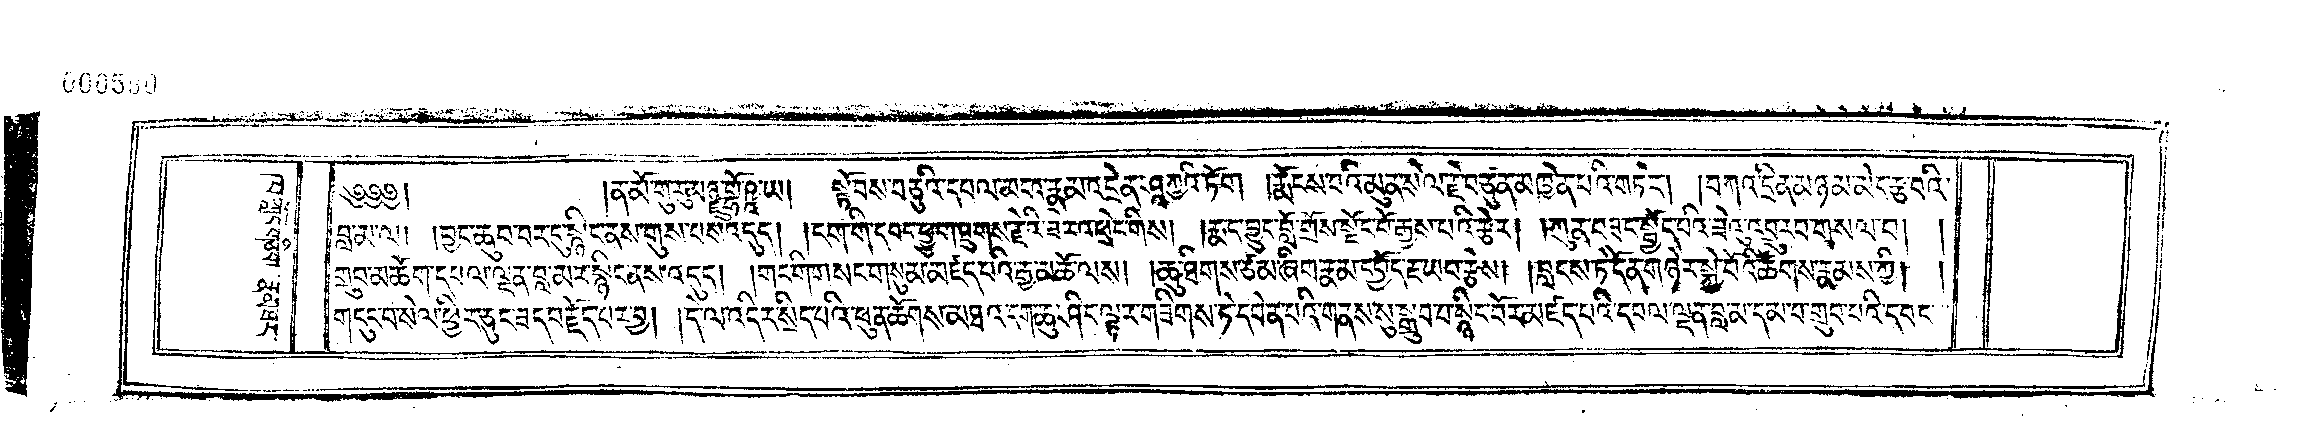༄༅༅། །ན་མོ་གུ་རུ་མཉྫུ་གྷོ་ཥཱ་ཡ། སྟོབས་བཅུའི་དཔལ་མངའ་རྣམ་འདྲེན་ཤཱཀྱའི་ཏོག །རྨོངས་བའི་མུན་སེལ་རྗེ་བཙུན་མཁྱེན་པའི་གཏེར། །བཀའ་དྲིན་མཉམ་མེད་རྩ་བའི་
བླ་མ་ལ། །བྱང་ཆུབ་བར་དུ་སྙིང་ནས་གུས་པས་འདུད། །ངག་གི་དབང་ཕྱུག་ཐུགས་རྗེའི་ཟེར་འཕྲེང་གིས། །རྨད་བྱུང་བློ་གྲོས་སྡོང་པོ་རྒྱས་པའི་རྩེར། །ཀུན་བཟང་སྤྱོད་པའི་ཟེའུ་འབྲུ་རབ་གསལ་བ། །
གྲུབ་མཆོག་དཔལ་ལྡན་བླ་མར་སྙིང་ནས་འདུད། །གང་གི་གསང་གསུམ་མཛད་པའི་རྒྱ་མཚོ་ལས། །ཆུ་ཐིགས་ཙམ་ཞིག་རྣམ་དཔྱོད་རྔ་ཡབ་རྩེས། །བླངས་ཏེ་དོན་གཉེར་སྐྱེ་བོའི་ཚོགས་རྣམས་ཀྱི། །
གདུང་བ་སེལ་ཕྱིར་ཅུང་ཟད་བརྗོད་པར་བྱ། །དེ་ལ་འདིར་སྲིད་པའི་ཕུན་ཚོགས་མཐའ་དག་ཆུ་ཤིང་ལྟར་གཟིགས་ཏེ་དབེན་པའི་གནས་སུ་སྒྲུབ་པ་སྙིང་པོར་མཛད་པའི་དཔལ་ལྡན་བླ་མ་དམ་བ་གྲུབ་པའི་དབང་